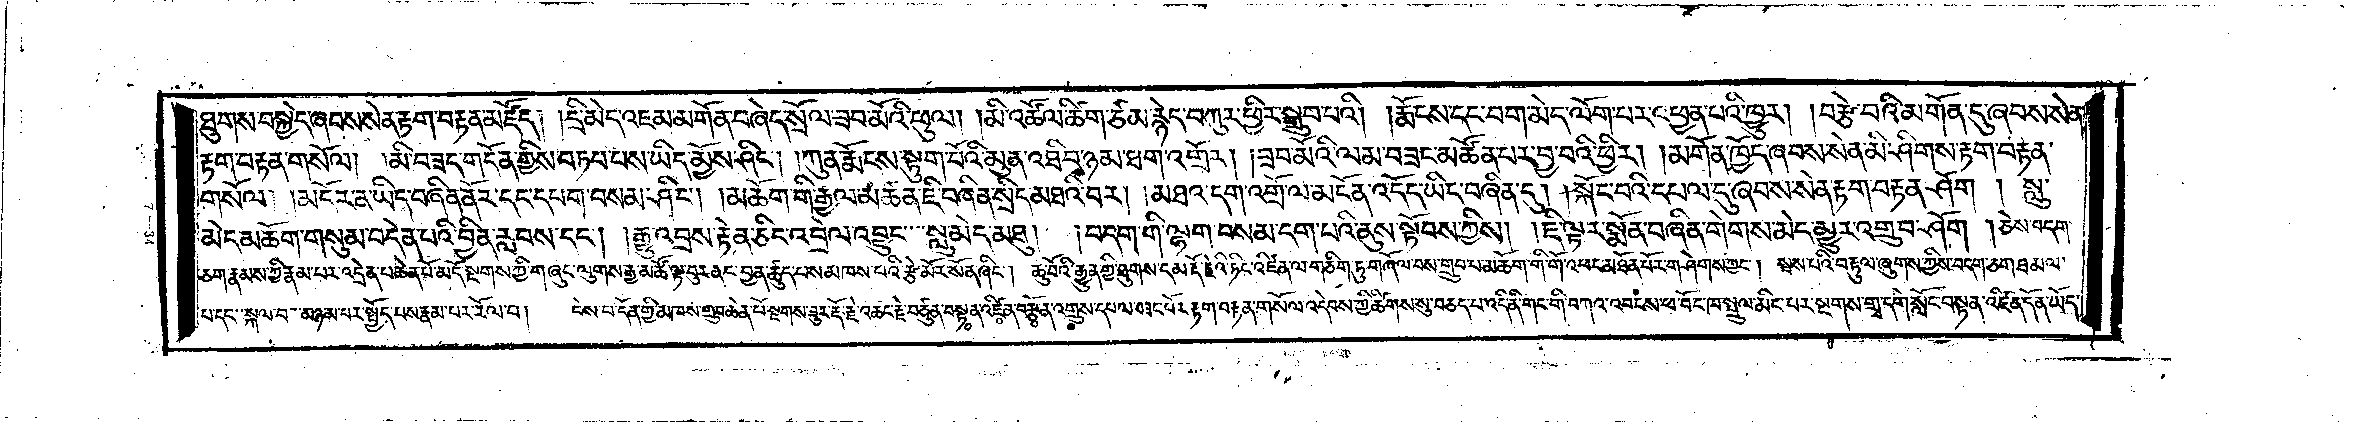ཐུགས་བསྐྱེད་ཞབས་སེན་རྟག་བརྟན་མཛོད། །དྲི་མེད་འཇམ་མགོན་བཞེད་སྲོལ་ཟབ་མོའི་ཕུལ། །མི་འཚོལ་ཚིག་ཙམ་རྙེད་བཀུར་ཕྱིར་སྒྲུབ་པའི། །རྨོངས་དང་བག་མེད་ལོག་པར་འཕྱན་པའི་ཁྱུར། །བརྩེ་བའི་མགོན་དུ་ཞབས་སེན་
རྟག་བརྟན་གསོལ། །མི་བཟད་གདོན་གྱིས་བཏབ་པས་ཡིད་མྱོས་ཤིང་། །ཀུན་རྨོངས་སྟུག་པོའི་མུན་འཐིབས་ཉམ་ཐག་འགྲོར། །ཟབ་མོའི་ལམ་བཟང་མཚོན་པར་བྱ་བའི་ཕྱིར། །མགོན་ཁྱོད་ཞབས་སེན་མི་ཤིགས་རྟག་བརྟན་
གསོལ། །མདོར་ན་ཡིད་བཞིན་ནོར་དང་དཔག་བསམ་ཤིང་། །མཆོག་གི་རྒྱལ་མཚན་ཇི་བཞིན་སྲིད་མཐའི་བར། །མཐའ་དག་འགྲོ་ལ་མངོན་འདོད་ཡིད་བཞིན་དུ། །སྐོང་བའི་དཔལ་དུ་ཞབས་སེན་རྟག་བརྟན་ཤོག །སླུ་
མེད་མཆོག་གསུམ་བདེན་པའི་བྱིན་རླབས་དང་། །རྒྱུ་འབྲས་རྟེན་ཅིང་འབྲེལ་འབྱུང་སླུ་མེད་མཐུ། །བདག་གི་ལྷག་བསམ་དག་པའི་ནུས་སྟོབས་ཀྱིས། །ཇི་ལྟར་སྨོན་བཞིན་གེགས་མེད་མྱུར་འགྲུབ་ཤོག །ཅེས་བདག་
ཅག་རྣམས་ཀྱི་རྣམ་པར་འདྲེན་པ་ཆེན་པོ་མདོ་སྔགས་ཀྱི་གཞུང་ལུགས་རྒྱ་མཚོ་ལྟ་བུར་ནང་བྱན་ཚུད་པས་མཁས་པའི་རྩེ་མོར་སོན་ཞིང་། ཆུ་བོའི་རྒྱུན་གྱི་ཐུགས་དམ་རྡོ་རྗེའི་ཏིང་འཛིན་ལ་གཅིག་ཏུ་གཞོལ་བས་གྲུབ་པ་མཆོག་གི་གོ་འཕང་མཐོན་པོར་གཤེགས་ཀྱང་། སྦས་པའི་བརྟུལ་ཞུགས་ཀྱིས་བདག་ཅག་ཐ་མལ་
པ་དང་སྐལ་བ་མཉམ་པར་སྤྱོད་པས་རྣམ་པར་རོལ་བ། ངེས་པ་དོན་གྱི་མཁས་གྲུབ་ཆེན་པོ་སྔགས་ཟུར་རྡོ་རྗེ་འཆང་རྗེ་བཙུན་བསྟན་འཛིན་བརྩོན་འགྲུས་དཔལ་བཟང་པོར་རྟག་བརྟན་གསོལ་འདེབས་ཀྱི་ཚིགས་སུ་བཅད་པ་འདི་ནི་གང་གི་བཀའ་འབངས་ཕ་བོང་ཁ་སྤྲུལ་མིང་པར་སྔགས་གྲྭ་དགེ་སློང་བསྟན་འཛིན་དོན་ཡོད་